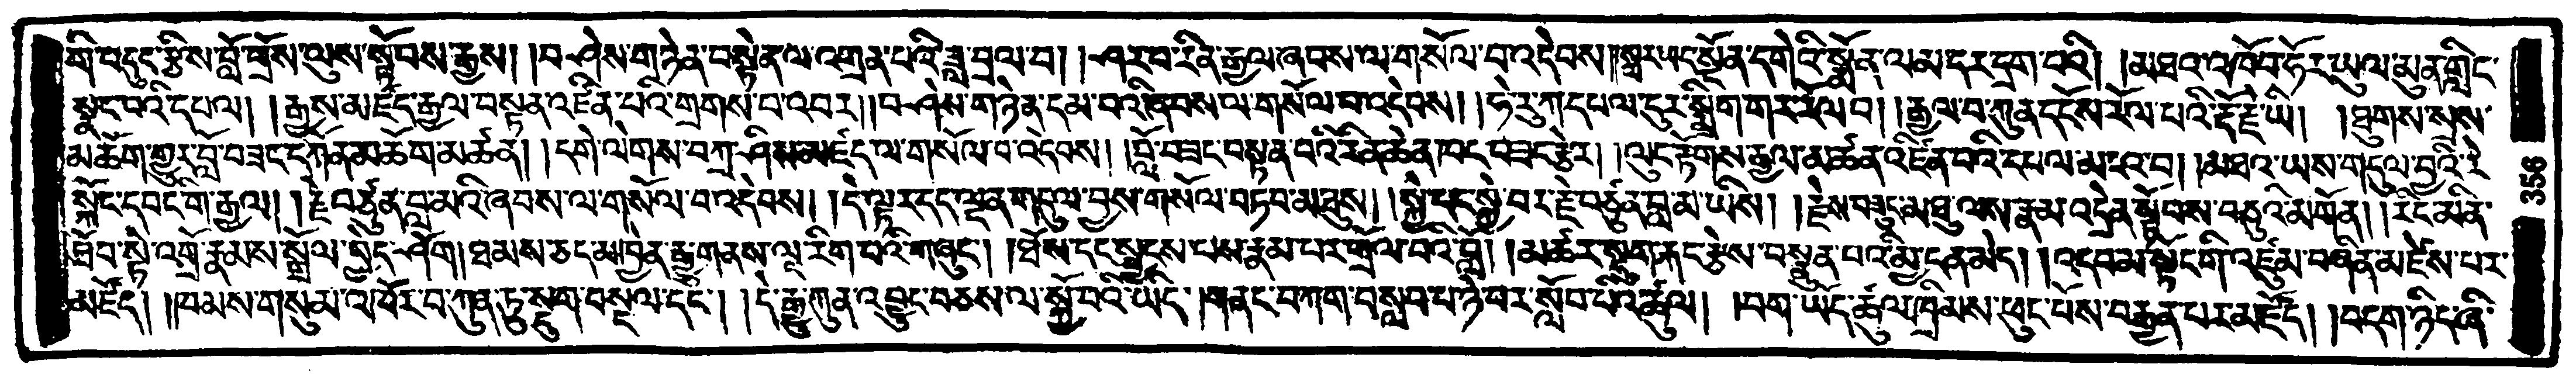གི་བདུད་རྩིས་བློ་གྲོས་ལུས་སྟོབས་རྒྱས། །བཤེས་གཉེན་བསྟེན་ལ་འགྲན་པའི་ཟླ་བྲལ་བ། །ཤར་བ་རིན་རྒྱལ་ཞབས་ལ་གསོལ་བ་འདེབས། །སླར་ཡང་སྔོན་དགེའི་སྨོན་ལམ་དར་དྲག་པའི། །མཐའ་འཁོབ་ཧོར་ཡུལ་མུན་གླིང་
སྣང་བའི་དཔལ། །རྒྱས་མཛད་རྒྱལ་བསྟན་འཛིན་པའི་གྲགས་པ་འབར། །བཤེས་གཉེན་དམ་བའི་ཞབས་ལ་གསོལ་བ་འདེབས། །ཧེ་རུ་ཀ་དཔལ་ངུར་སྨྲིག་གར་རོལ་བ། །རྒྱལ་བ་ཀུན་དངོས་རོལ་པའི་རྡོ་རྗེ་ཡི། །ཐུགས་སྲས་
མཆོག་གྱུར་བློ་བཟང་དཀོན་མཆོག་མཚན། །དགེ་ལེགས་བཀྲ་ཤིས་མཛད་ལ་གསོལ་བ་འདེབས། །བློ་བཟང་བསྟན་པའི་རིན་ཆེན་ཁང་བཟང་རྩེར། །ལུང་རྟོགས་རྒྱལ་མཚན་འཛིན་པའི་དཔལ་མངའ་བ། །མཐའ་ཡས་གདུལ་བྱའི་རེ་
སྐོང་དབང་གི་རྒྱལ། །རྗེ་བཙུན་བླ་མའི་ཞབས་ལ་གསོལ་བ་འདེབས། །དེ་ལྟར་དད་ལྡན་གདུལ་བྱས་གསོལ་བཏབ་མཐུས། །སྐྱེ་དང་སྐྱེ་བར་རྗེ་བཙུན་བླ་མ་ཡིས། །རྗེས་བཟུང་མཐུ་ལས་རྣམ་འདྲེན་སྟོབས་བཅུའི་མགོན། །རིང་མིན་
ཐོབ་སྟེ་འགྲོ་རྣམས་སྒྲོལ་བྱེད་ཤོག །ཐམས་ཅད་མཁྱེན་རྒྱུ་གནས་ལྔ་རིག་པའི་གཞུང་། །ཐོས་དང་སྦྱངས་པས་རྣམ་པར་གྲོལ་བའི་བློ། །མཚར་སྡུག་རྐང་རྩེས་བསྣུན་པའི་མྱ་ངན་མེད། །འདབ་མ་སྟོང་གི་འཛུམ་བཞིན་མཛེས་པར་
མཛོད། །ཁམས་གསུམ་འཁོར་བ་ཀུན་ཏུ་སྡུག་བསྔལ་དང་། །དེ་རྒྱུ་ཀུན་འབྱུང་བཅས་ལ་སྐྱོ་བའི་ཡིད། །གནང་བཀག་བསླབ་པ་ཉེ་བར་སློབ་པའི་ཚུལ། །བག་ཡོད་ཚུལ་ཁྲིམས་ཕུང་པོས་བརྒྱན་པར་མཛོད། །བདག་ཉིད་ཞི་